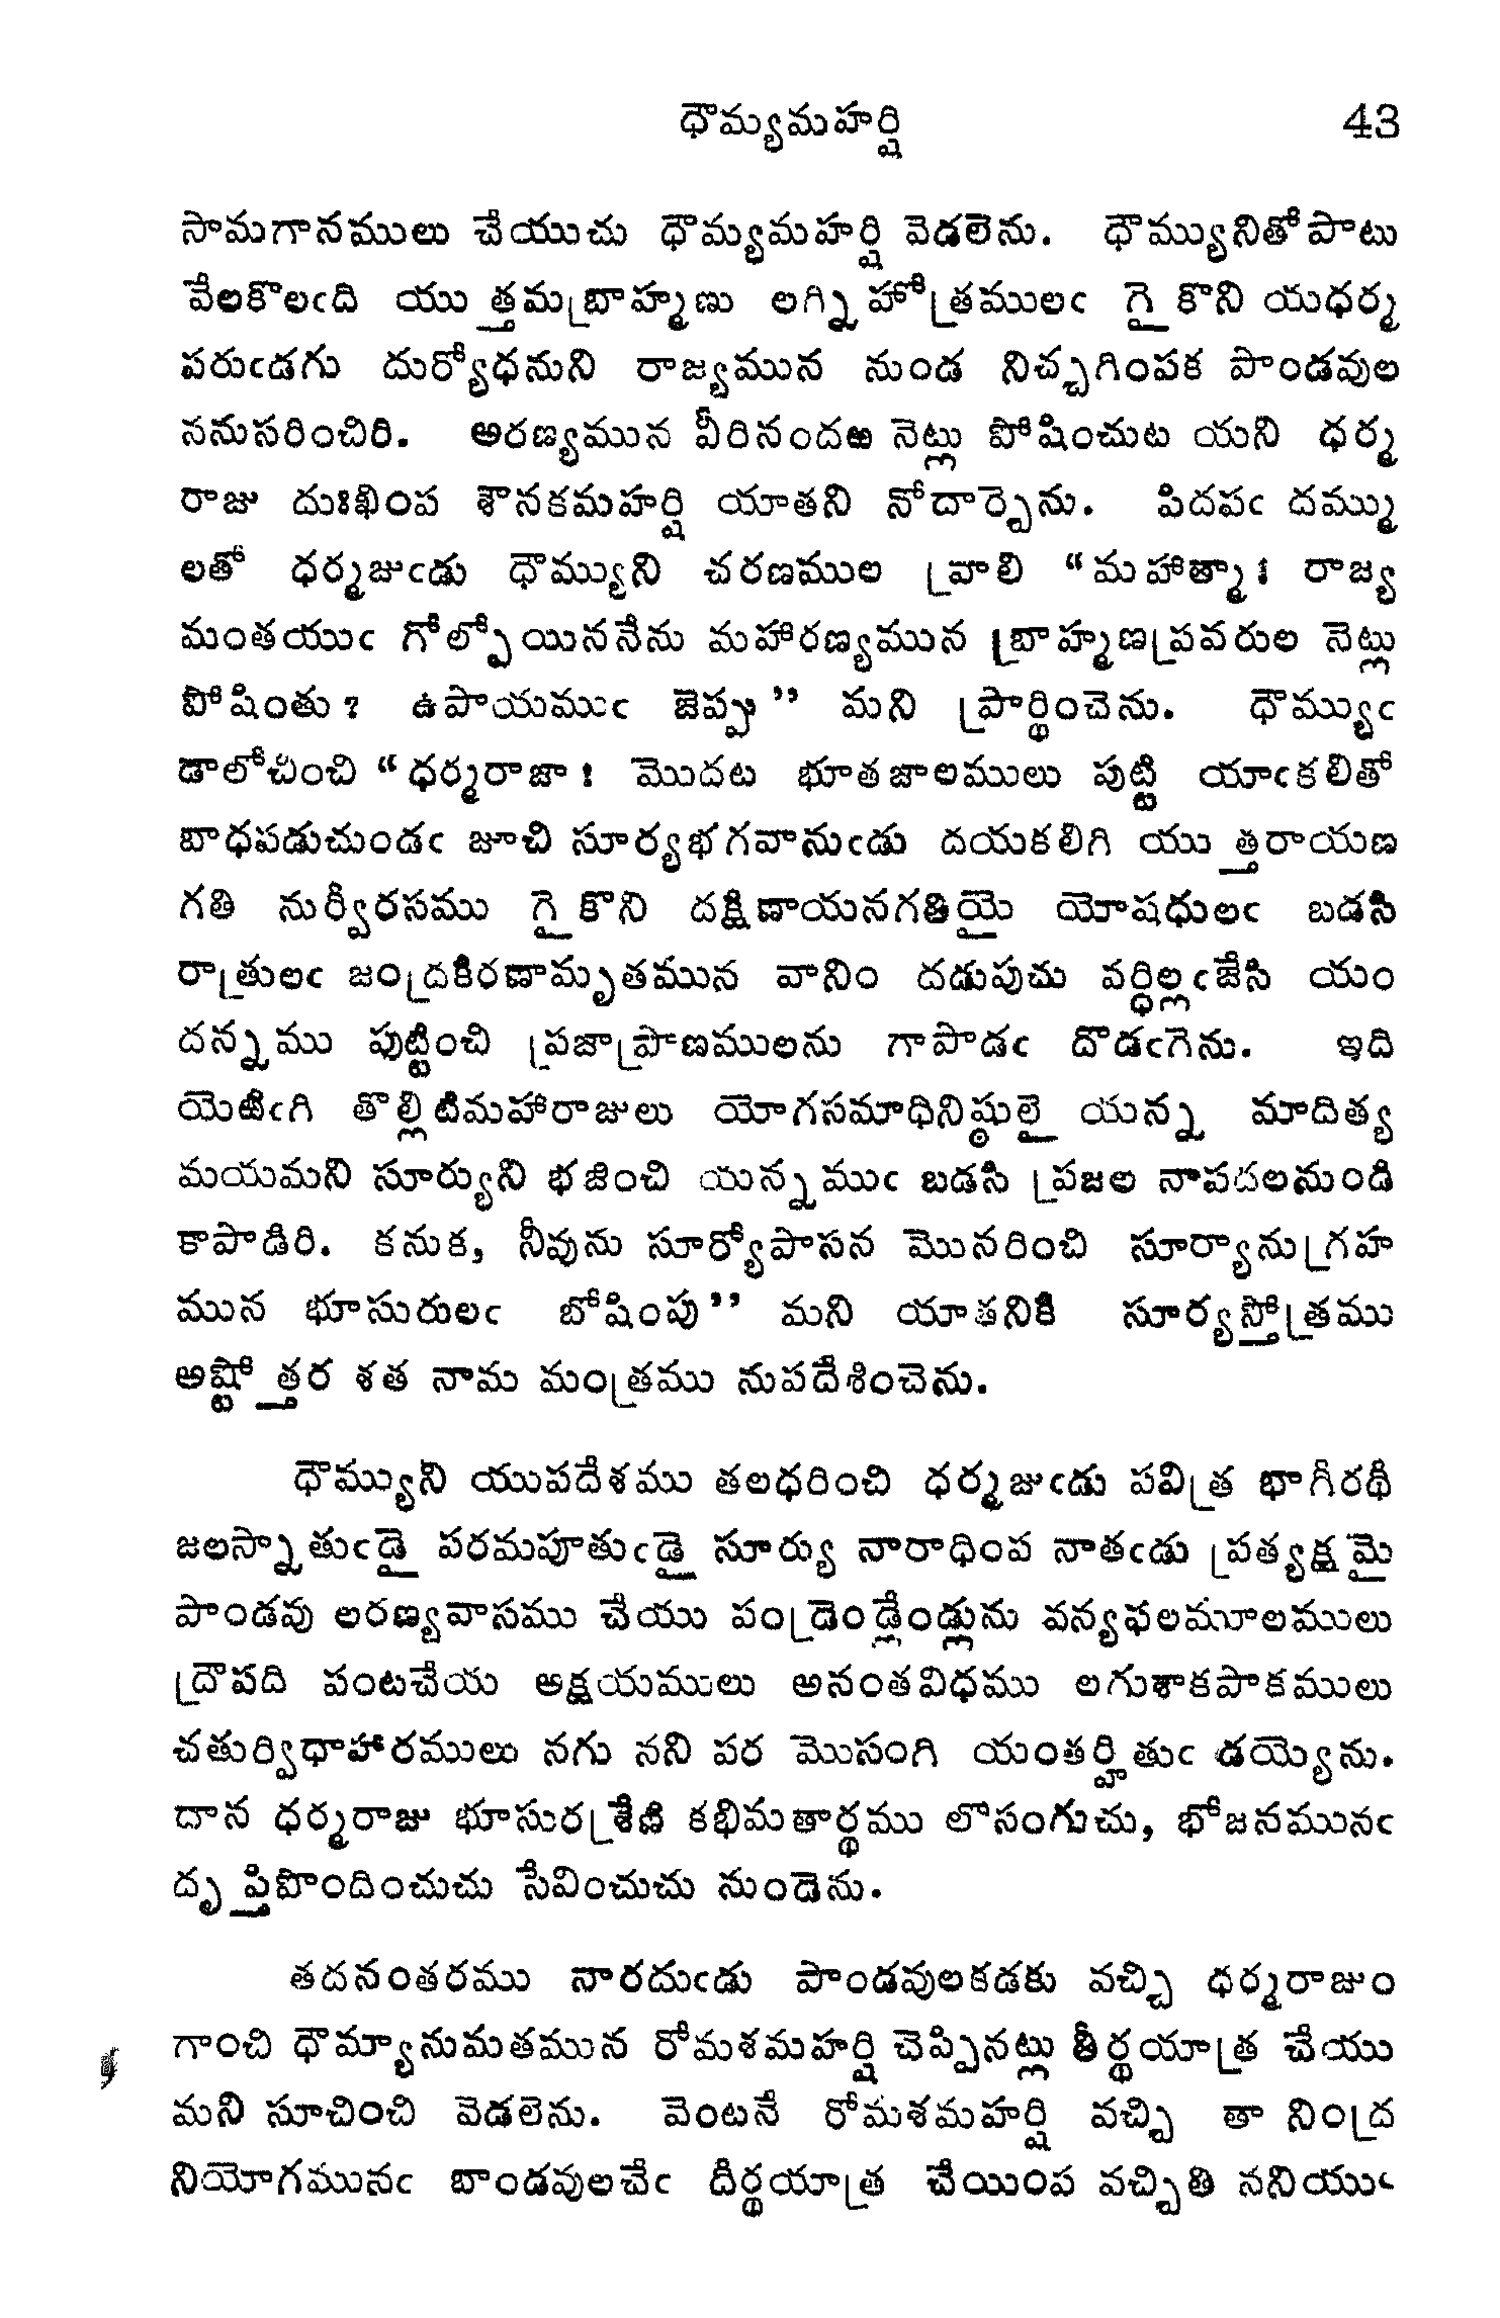సామగానములు చేయుచు ధౌమ్యమహర్షి వెడలెను. ధౌమ్యునితో పాటు వేలకొలఁది యుత్తమబ్రాహ్మణు లగ్ని హోత్రములఁ గైకొని యధర్మ పరుఁడగు దుర్యోధనుని రాజ్యమున నుండ నిచ్చగింపక పాండవుల ననుసరించిరి. అరణ్యమున వీరినందఱ నెట్లు పోషించుట యని ధర్మరాజు దుఃఖింప శౌనకమహర్షి యాతని నోదార్పెను. పిదపఁ దమ్ములతో ధర్మజుఁడు ధౌమ్యుని చరణముల వ్రాలి “మహాత్మా! రాజ్యమంతయుఁ గోల్పోయిననేను మహారణ్యమున బ్రాహ్మణప్రవరుల నెట్లు పోషింతు? ఉపాయముఁ జెప్పు” మని ప్రార్థించెను. ధౌమ్యుఁ డాలోచించి “ధర్మరాజా! మొదట భూతజాలములు పుట్టి యాఁకలితో బాధపడుచుండఁ జూచి సూర్యభగవానుఁడు దయకలిగి యుత్తరాయణ గతి నుర్వీరసము గైకొని దక్షిణాయనగతియై యోషధులఁ బడసి రాత్రులఁ జంద్రకిరణామృతమున వానిం దడుపుచు వర్ధిల్లఁజేసి యం దన్నము పుట్టించి ప్రజాప్రాణములను గాపాడఁ దొడఁగెను. ఇది యెఱిఁగి తొల్లిటిమహారాజులు యోగసమాధినిష్ఠులై యన్న మాదిత్య మయమని సూర్యుని భజించి యన్నముఁ బడసి ప్రజల నాపదలనుండి కాపాడిరి. కనుక, నీవును సూర్యోపాసన మొనరించి సూర్యానుగ్రహమున భూసురులఁ బోషింపు" మని యాతనికి సూర్యస్తోత్రము అష్టోత్తర శత నామ మంత్రము నుపదేశించెను.

ధౌమ్యుని యుపదేశము తలధరించి ధర్మజుఁడు పవిత్ర భాగీరథి జలస్నాతుఁడై పరమపూతుఁడై సూర్యు నారాధింప నాతఁడు ప్రత్యక్షమై పాండవు లరణ్యవాసము చేయు పండ్రెండేండ్లును వన్యఫలమూలములు ద్రౌపది వంటచేయ అక్షయములు అనంతవిధము లగుశాకపాకములు చతుర్విధాహారములు నగు నని వర మొసంగి యంతర్హితుఁ డయ్యెను. దాన ధర్మరాజు భూసురశ్రేణి కభిమతార్థము లొసంగుచు, భోజనమునఁ దృప్తిపొందించుచు సేవించుచు నుండెను.

తదనంతరము నారదుఁడు పాండవుల కడకు వచ్చి ధర్మరాజుం గాంచి ధౌమ్యానుమతమున రోమశమహర్షి చెప్పినట్లు తీర్థయాత్ర చేయుమని సూచించి వెడలెను. వెంటనే రోమశమహర్షి వచ్చి తా నింద్ర నియోగమునఁ బాండవులచేఁ దీర్థయాత్ర చేయింప వచ్చితి ననియుఁ